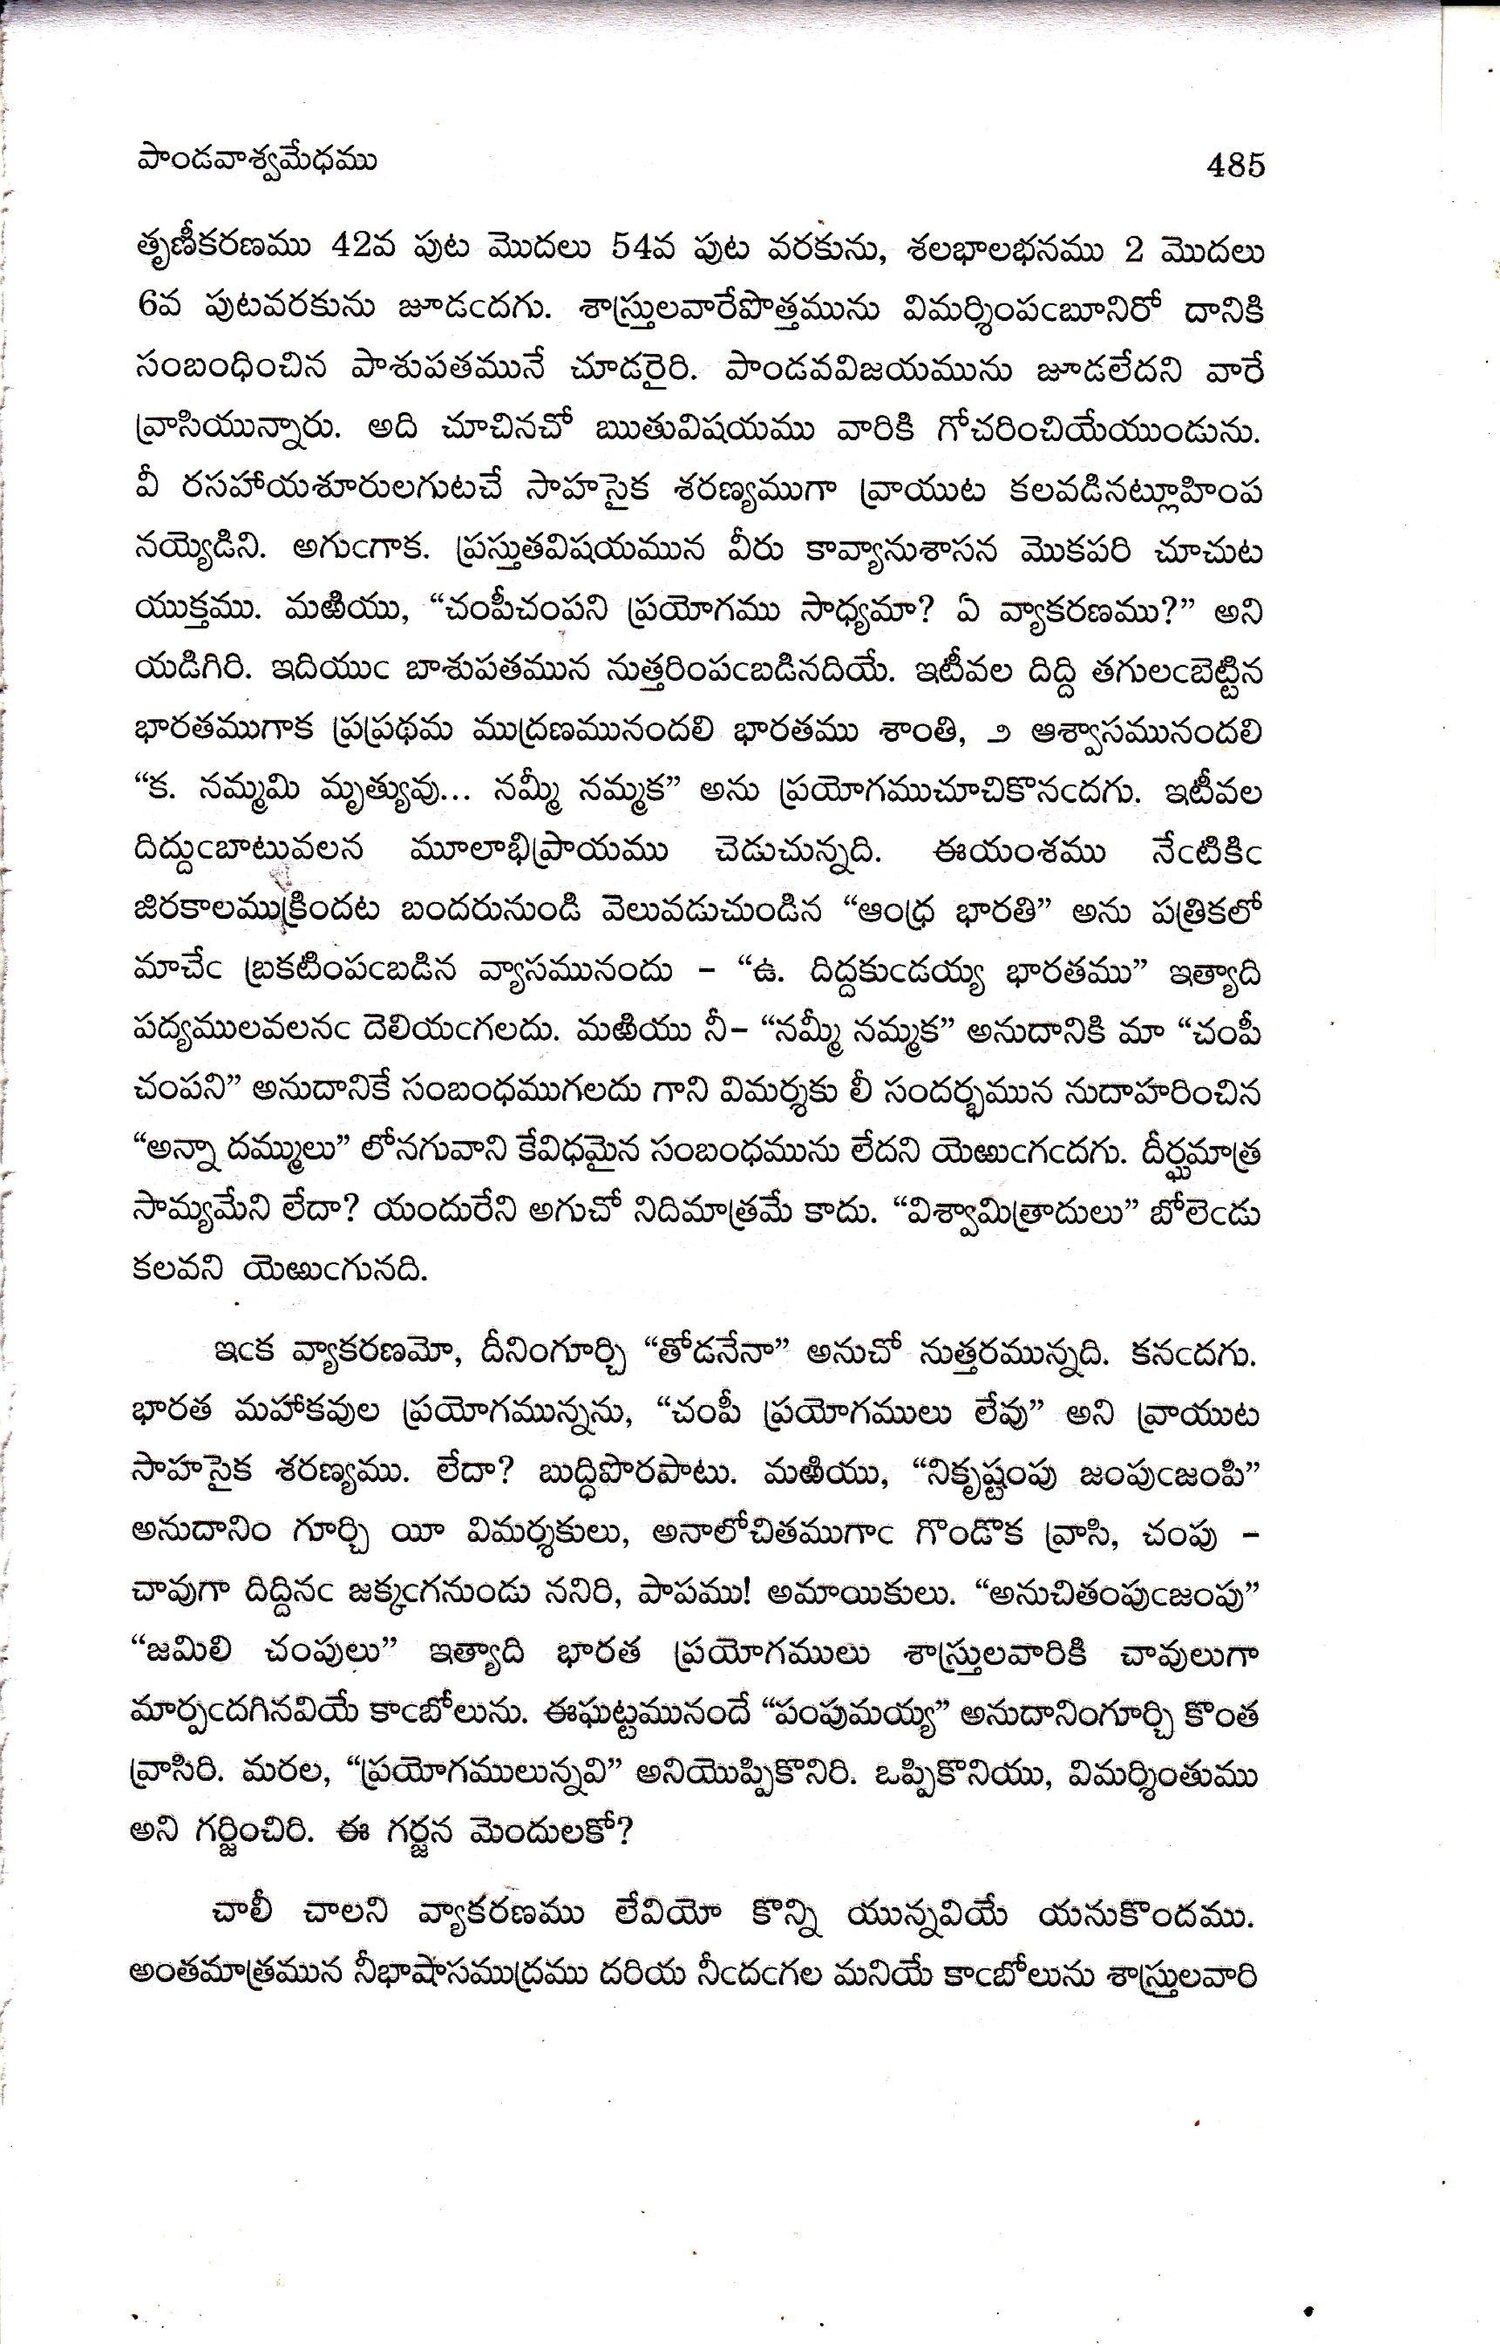తృణీకరణము 42వ పుట మొదలు 54వ పుట వరకును, శలభాలభనము 2 మొదలు 6వ పుటవరకును జూడఁదగు. శాస్త్రులవారేపొత్తమును విమర్శింపఁబూనిరో దానికి సంబంధించిన పాశుపతమునే చూడరైరి. పాండవవిజయమును జూడలేదని వారే వ్రాసియున్నారు. అది చూచినచో ఋతువిషయము వారికి గోచరించియేయుండును. వీ రసహాయశూరులగుటచే సాహసైక శరణ్యముగా వ్రాయుట కలవడినట్లూహింప నయ్యెడిని. అగుఁగాక. ప్రస్తుతవిషయమున వీరు కావ్యానుశాసన మొకపరి చూచుట యుక్తము. మఱియు, "చంపీచంపని ప్రయోగము సాధ్యమా? ఏ వ్యాకరణము?" అని యడిగిరి. ఇదియుఁ బాశుపతమున నుత్తరింపఁబడినదియే. ఇటీవల దిద్ది తగులఁబెట్టిన భారతముగాక ప్రప్రథమ ముద్రణమునందలి భారతము శాంతి, 2 ఆశ్వాసమునందలి “క. నమ్మమి మృత్యువు. నమ్మీ నమ్మక" అను ప్రయోగముచూచికొనఁదగు. ఇటీవల దిద్దుఁబాటువలన మూలాభిప్రాయము చెడుచున్నది. ఈయంశము నేఁటికిఁ జిరకాలముక్రిందట బందరునుండి వెలువడుచుండిన “ఆంధ్ర భారతి" అను పత్రికలో మాచేఁ బ్రకటింపఁబడిన వ్యాసమునందు - "ఉ. దిద్దకుండయ్య భారతము" ఇత్యాది పద్యములవలనఁ దెలియఁగలదు. మఱియు నీ– “నమ్మీ నమ్మక" అనుదానికి మా "చంపీ చంపని” అనుదానికే సంబంధముగలదు గాని విమర్శకు లీ సందర్భమున నుదాహరించిన "అన్నాదమ్ములు" లోనగువానికేవిధమైన సంబంధమును లేదని యెఱుఁగఁదగు. దీర్ఘమాత్ర సామ్యమేని లేదా? యందురేని అగుచో నిదిమాత్రమే కాదు. “విశ్వామిత్రాదులు" బోలెఁడు కలవని యెఱుఁగునది. -

ఇఁక వ్యాకరణమో, దీనింగూర్చి “తోడనేనా" అనుచో నుత్తరమున్నది. కనఁదగు. భారత మహాకవుల ప్రయోగమున్నను, "చంపీ ప్రయోగములు లేవు" అని వ్రాయుట సాహసైక శరణ్యము. లేదా? బుద్ధిపొరపాటు. మఱియు, “నికృష్టంపు జంపుఁజంపి" అనుదానిం గూర్చి యీ విమర్శకులు, అనాలోచితముగాఁ గొండొక వ్రాసి, చంపు - చావుగా దిద్దినఁ జక్కఁగనుండు ననిరి, పాపము! అమాయికులు. "అనుచితంపుఁజంపు” “జమిలి చంపులు” ఇత్యాది భారత ప్రయోగములు శాస్త్రులవారికి చావులుగా మార్పఁదగినవియే కాఁబోలును. ఈఘట్టమునందే "పంపుమయ్య" అనుదానింగూర్చి కొంత వ్రాసిరి. మరల, “ప్రయోగములున్నవి” అనియొప్పికొనిరి. ఒప్పికొనియు, విమర్శింతుము అని గర్జించిరి. ఈ గర్జన మెందులకో?

చాలీ చాలని వ్యాకరణము లేవియో కొన్ని యున్నవియే యనుకొందము. అంతమాత్రమున నీభాషాసముద్రము దరియ నీఁదఁగల మనియే కాఁబోలును శాస్త్రులవారి